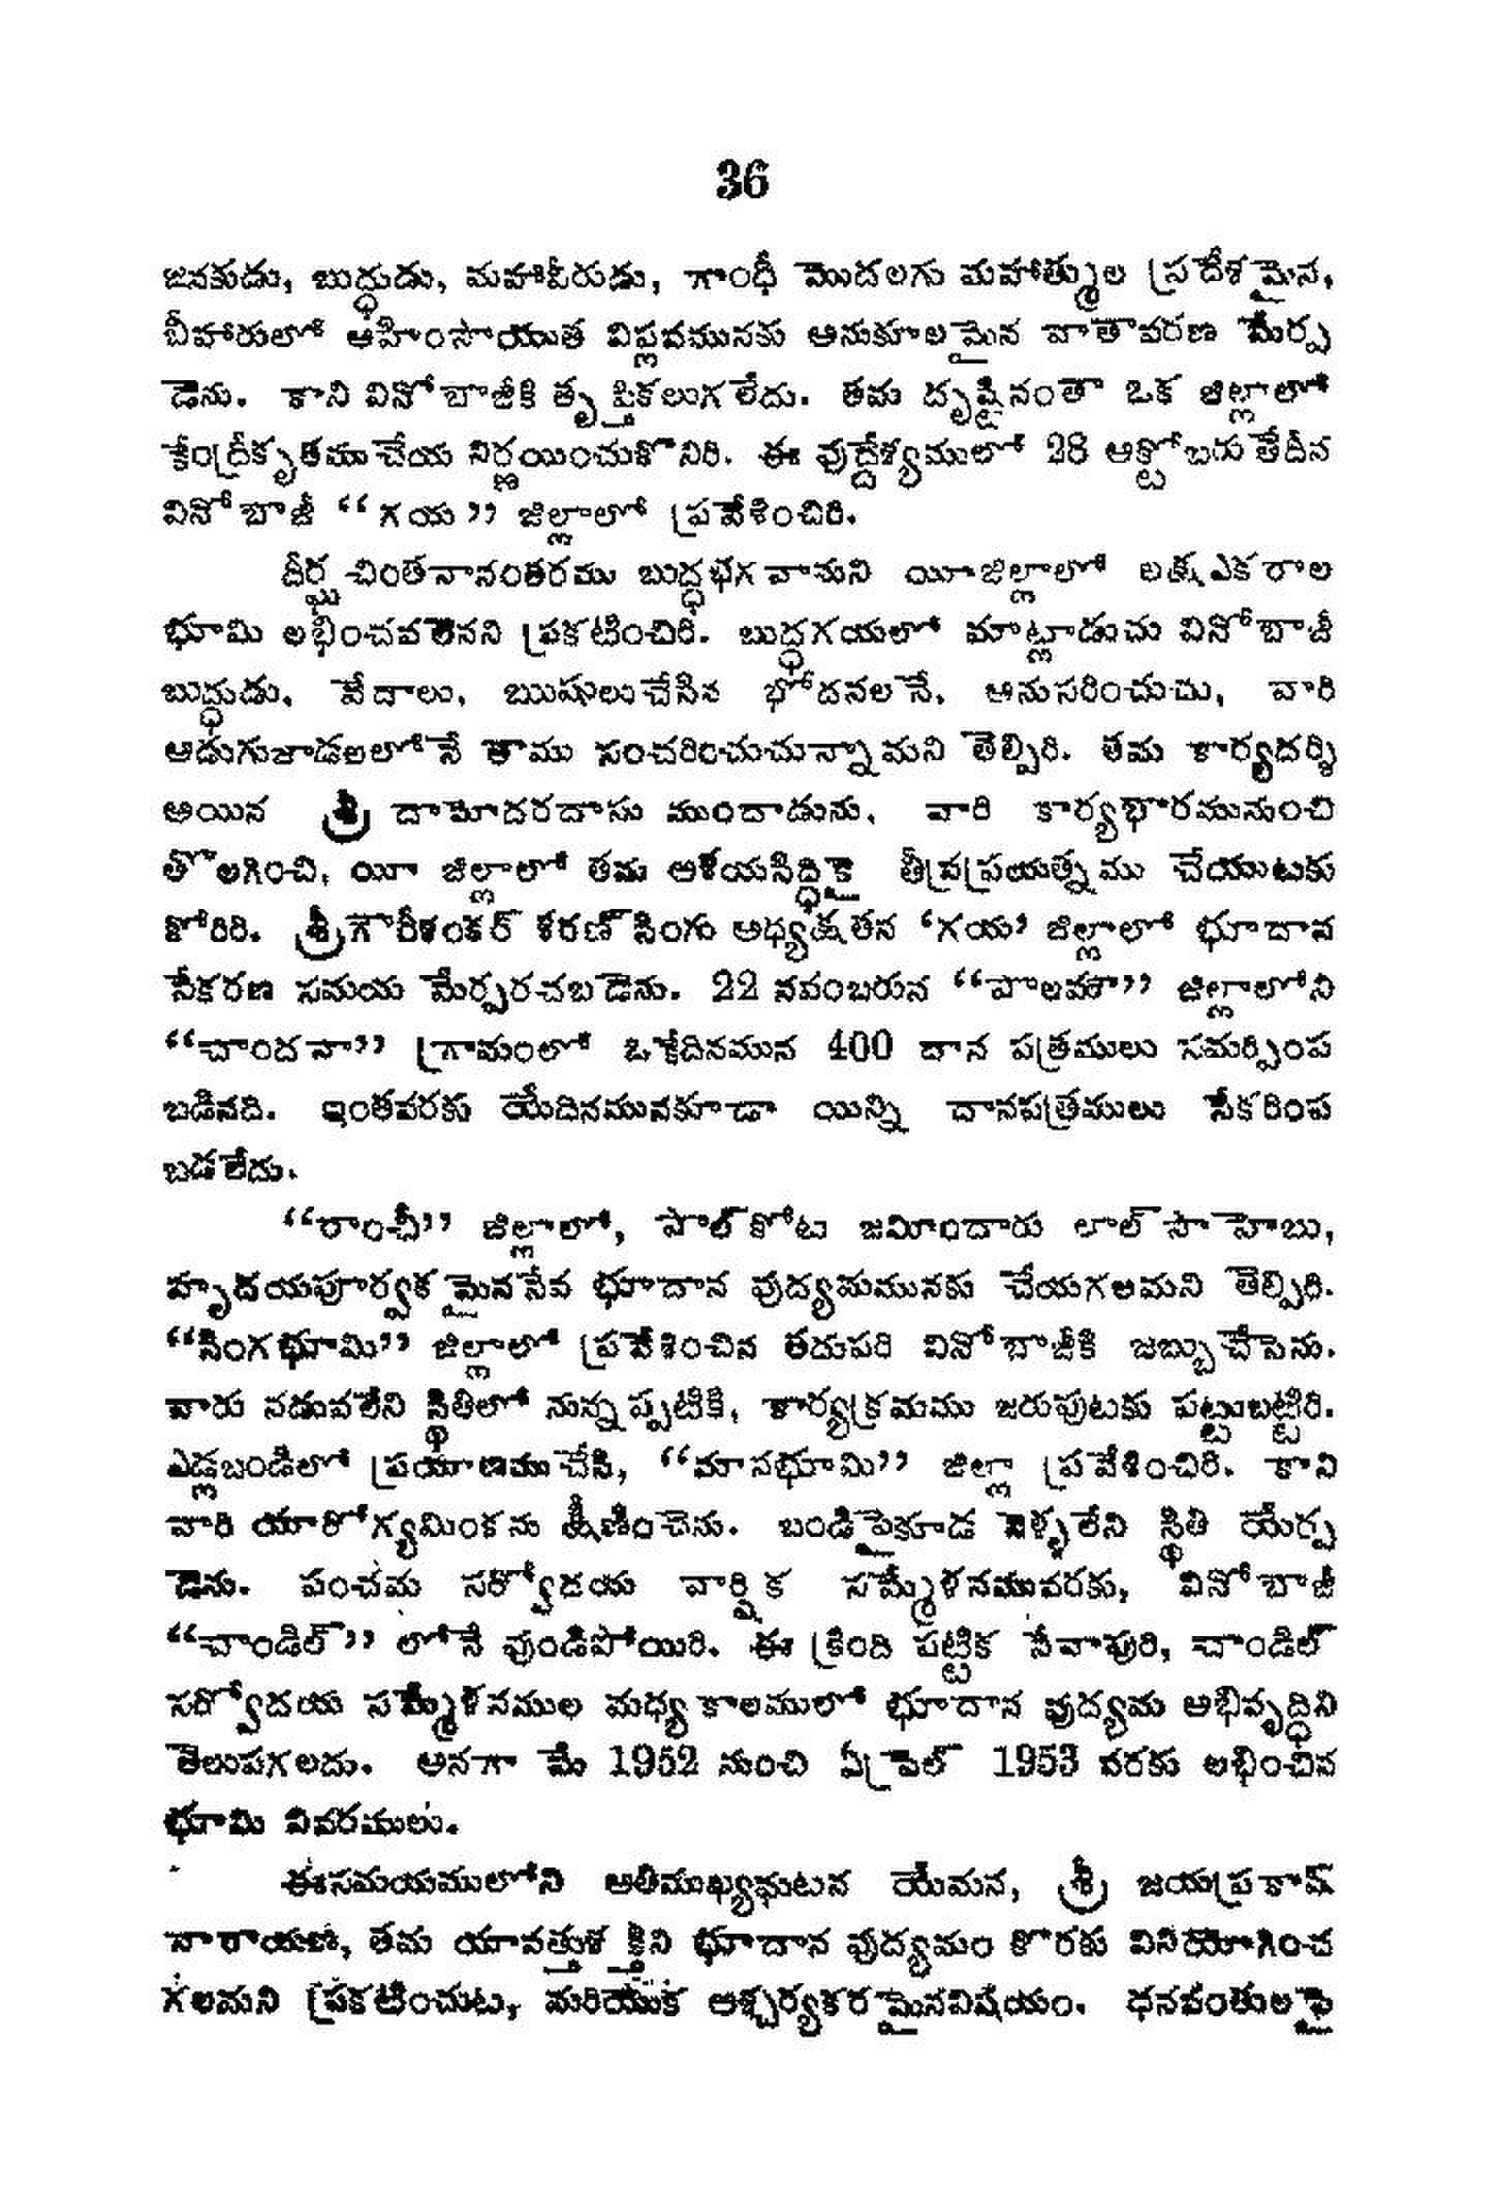జనకుడు, బుద్ధుడు, మహావీరుడు, గాంధీ మొదలగు మహాత్ముల ప్రదేశమైన, బీహారులో అహింసాయుత విప్లవమునకు అనుకూలమైన వాతావరణ మేర్పడెను. కాని వినోబాజీకి తృప్తికలుగలేదు. తమ దృష్టినంతా ఒక జిల్లాలో కేంద్రీకృతముచేయ నిర్ణయించుకొనిరి. ఈ వుద్దేశ్యములో 28 అక్టోబరుతేదీన వినోబాజీ "గయ" జిల్లాలో ప్రవేశించిరి.

దీర్ఘ చింతనానంతరము బుద్ధభగవానుని యీజిల్లాలో లక్షఎకరాల భూమి లభించవలెనని ప్రకటించిరి. బుద్ధగయలో మాట్లాడుచు వినోబాజీ బుద్ధుడు, వేదాలు, ఋషులుచేసిన భోదనలనే, ఆనుసరించుచు, వారి అడుగుజాడలలోనే తాము సంచరించుచున్నామని తెల్పిరి. తమ కార్యదర్శి అయిన శ్రీ దామోదరదాసు ముందాడును, వారి కార్యభారమునుంచి తొలగించి, యీ జిల్లాలో తమ ఆశయసిద్ధికై తీవ్రప్రయత్నము చేయుటకు కోరిరి. శ్రీగౌరీశంకర్ శరణ్‌సింగు అధ్యక్షతన 'గయ' జిల్లాలో భూదాన సేకరణ సమయ మేర్పరచబడెను. 22 నవంబరున "పాలమౌ" జిల్లాలోని “చాందనా" గ్రామంలో ఒకేదినమున 400 దాన పత్రములు సమర్పింప బడినది. ఇంతవరకు యేదినమునకూడా యిన్ని దానపత్రములు సేకరింప బడలేదు.

"రాంచీ" జిల్లాలో, పాల్‌కోట జమీందారు లాల్ సాహెబు, హృదయపూర్వకమైనసేవ భూదాన వుద్యమమునకు చేయగలమని తెల్పిరి. “సింగభూమి” జిల్లాలో ప్రవేశించిన తదుపరి వినోబాజీకి జబ్బుచేసెను. వారు నడువలేని స్థితిలో నున్నప్పటికీ, కార్యక్రమము జరుపుటకు పట్టుబట్టిరి. ఎడ్లబండిలో ప్రయాణముచేసి, “మానభూమి” జిల్లా ప్రవేశించిరి. కాని వారి యారోగ్యమింకను క్షీణించెను. బండిపైకూడ వెళ్ళలేని స్థితి యేర్పడెను. పంచమ సర్వోదయ వార్షిక సమ్మేళనమువరకు, వినోబాజీ
"చాండిల్" లోనే వుండిపోయిరి. ఈ క్రింది పట్టిక సేవాపురి, చాండిల్ సర్వోదయ సమ్మేళనముల మధ్య కాలములో భూదాన వుద్యమ అభివృద్ధిని తెలుపగలదు. అనగా మే 1952 నుంచి ఏపిల్ 1953 వరకు లభించిన భూమి వివరములు.

ఈసమయములోని అతిముఖ్యఘటన యేమన, శ్రీ జయప్రకాష్ నారాయణ, తమ యావత్తుశక్తిని భూదాన వుద్యమం కొరకు వినియోగించ గలమని ప్రకటించుట, మరియొక ఆశ్చర్యకరమైన విషయం. ధనవంతులపై